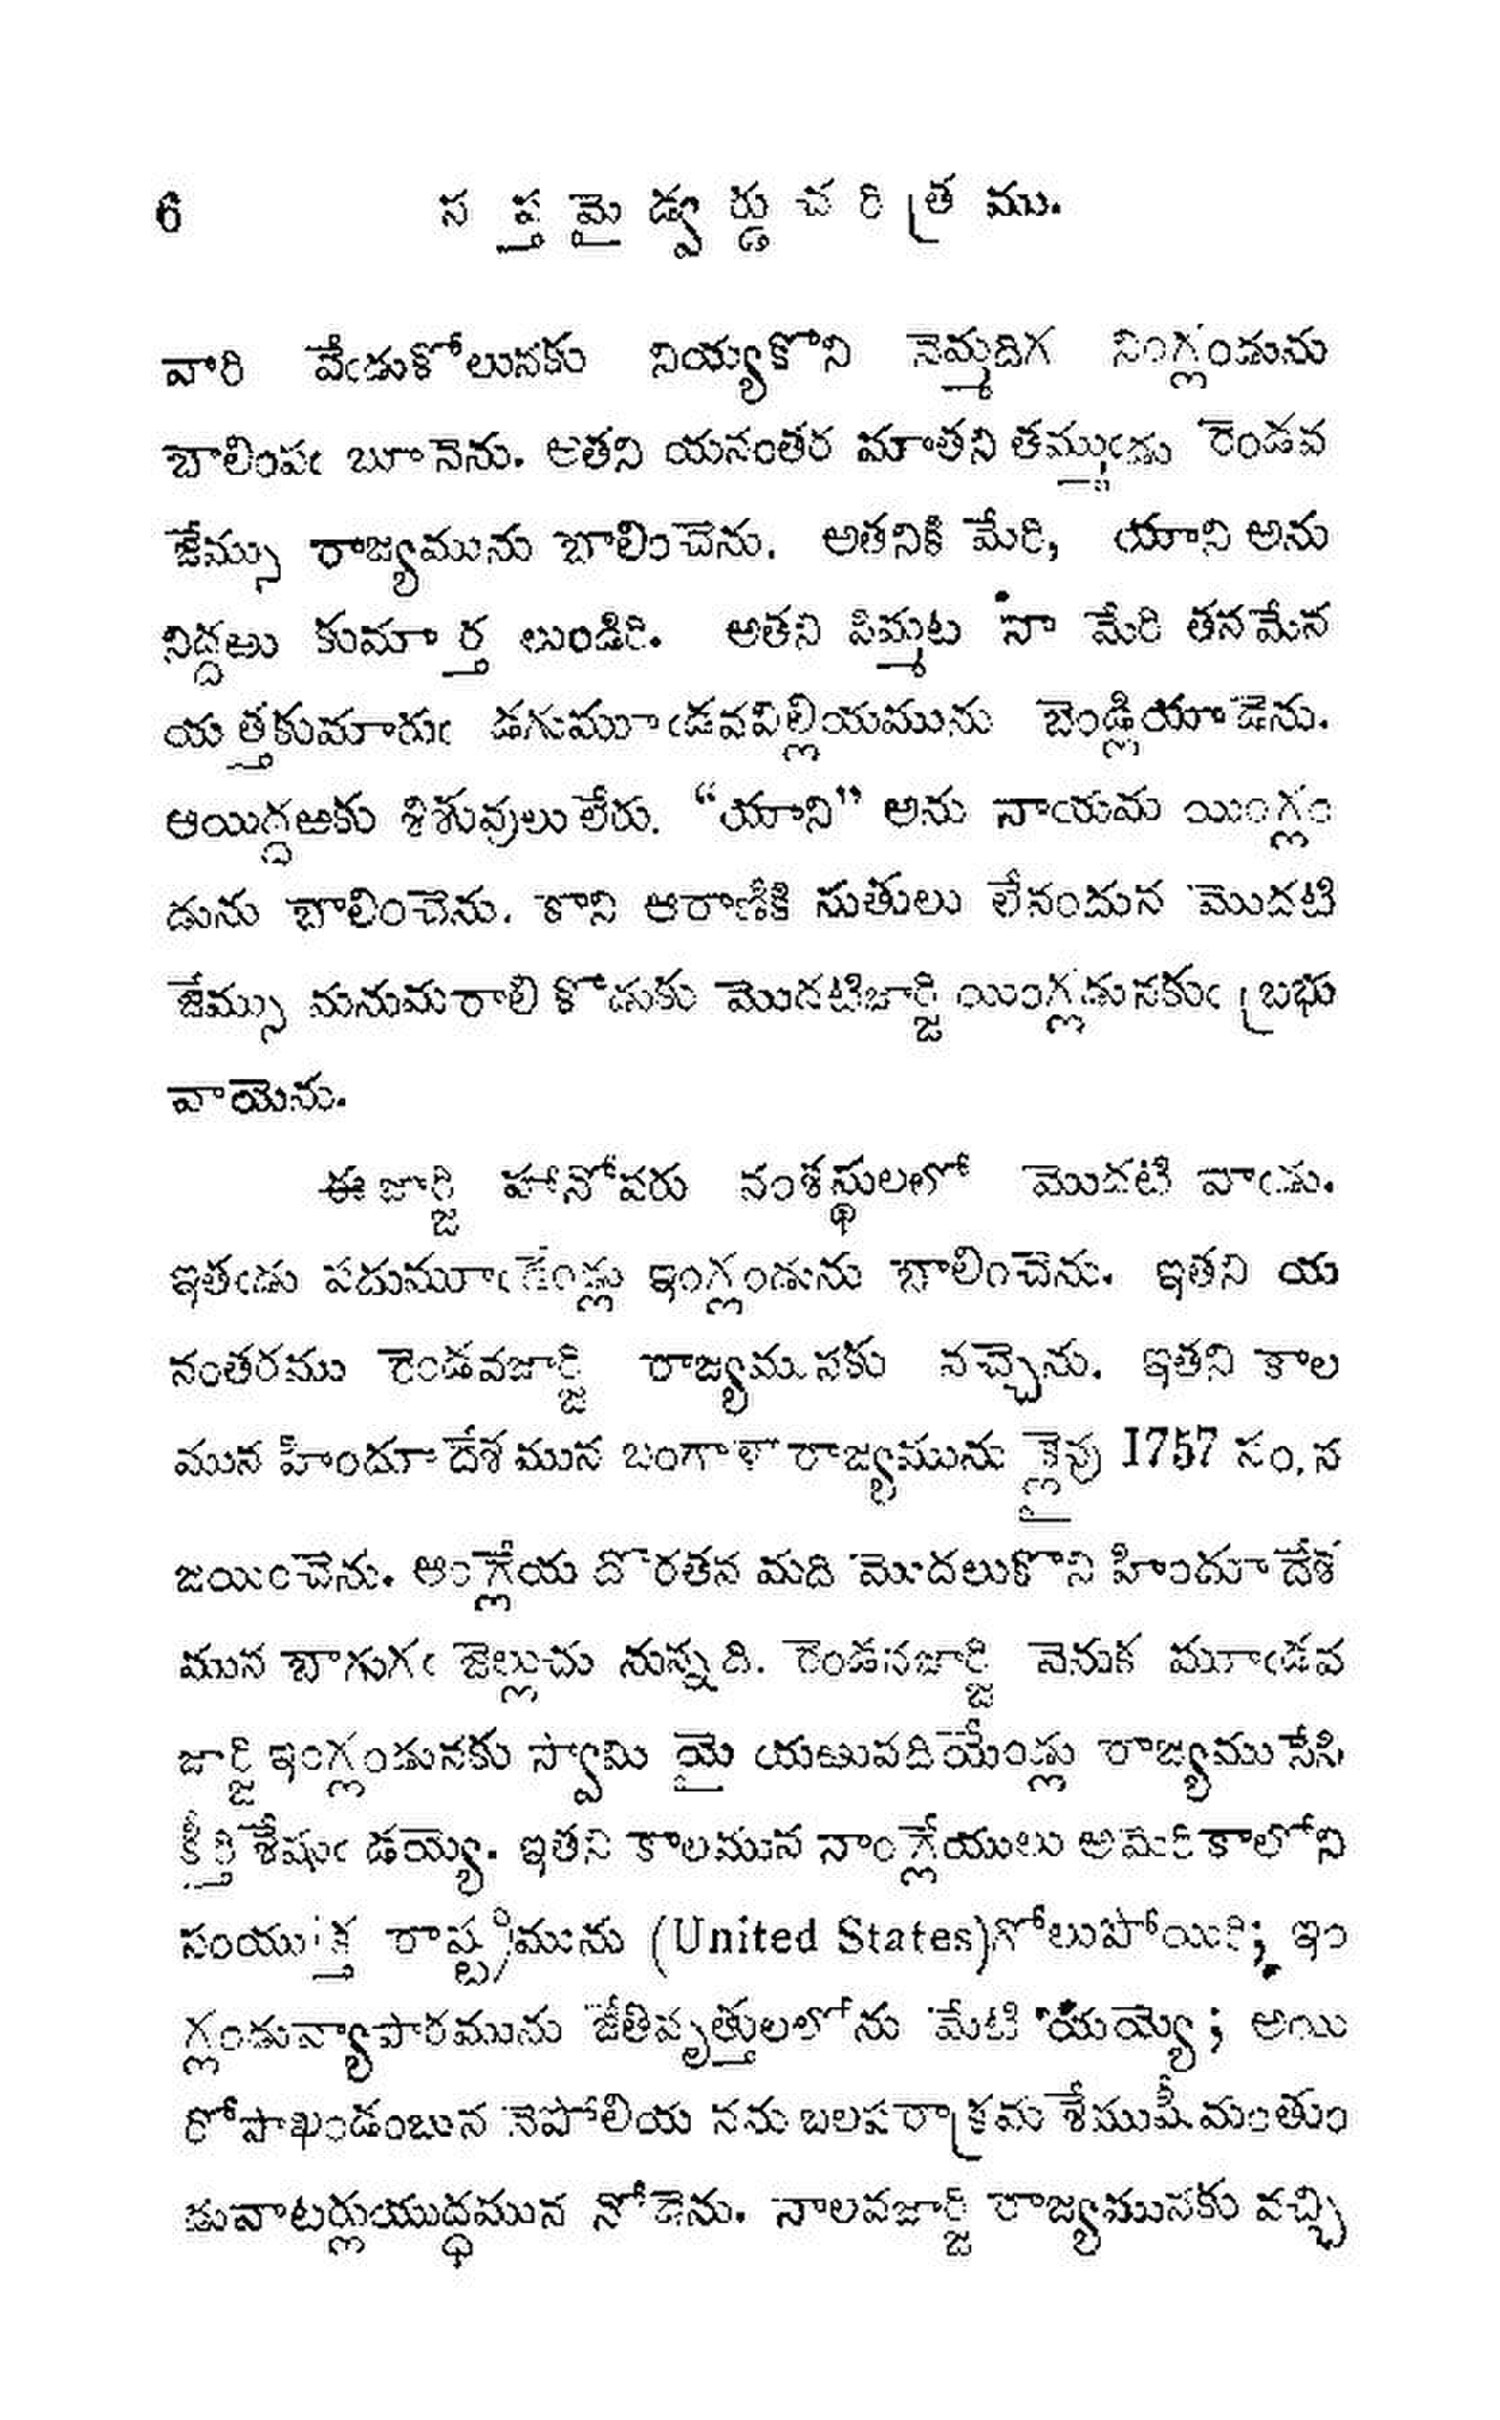వారి వేఁడుకోలునకు నియ్యకొని నెమ్మదిగ నింగ్లండును బాలింపఁ బూనెను. అతని యనంతర మాతని తమ్ముడు రెండవ జేమ్సు రాజ్యమును బాలించెను. అతనికి మేరి, యాని అను నిద్దఱు కుమార్త లుండిరి. అతని పిమ్మట నా మేరి తనమేనయత్తకుమారుఁ డగుమూఁడవవిల్లియమును బెండ్లియాడెను. ఆయిద్దఱకు శిశువులు లేరు. "యాని" అను నాయమ యింగ్లండును బాలించెను. కాని ఆరాణికి సుతులు లేనందున మొదటి జేమ్సు మనుమరాలి కొడుకు మొదటిజార్జి యింగ్లుడునకుఁ బ్రభువాయెను.

ఈ జార్జి హానోవరు. వంశస్థులలో మొదటి వాఁడు. ఇతఁడు పదుమూఁడేండ్లు ఇంగ్లండును బాలించెను. ఇతని యనంతరము రెండవజార్జి రాజ్యమునకు వచ్చెను. ఇతని కాలమున హిందూదేశమున బంగాళారాజ్యమును క్లైవు 1757 సం. న జయించెను. ఆంగ్లేయ దొరతన మది మొదలుకొని హిందూ దేశమున బాగుగఁ జెల్లుచు నున్నది. రెండవజార్జి వెనుక మూఁడవజార్జి ఇంగ్లండునకు స్వామి యై యఱువదియేండ్లు రాజ్యముసేసి కీర్తిశేషుఁ డయ్యె. ఇతని కాలమున నాంగ్లేయులు అమెరికాలోని సంయుక్త రాష్ట్రమును (United States)గోలుపోయిరి; ఇంగ్లండు వ్యాపారమును జేతివృత్తులలోను మేటి యయ్యె ; అయిరోపాఖండంబున నెపోలియ నను బలపరాక్రమ శేముషీమంతుండువాటర్లుయుద్ధమున నోడెను. నాలవజార్జి రాజ్యమునకు వచ్చి